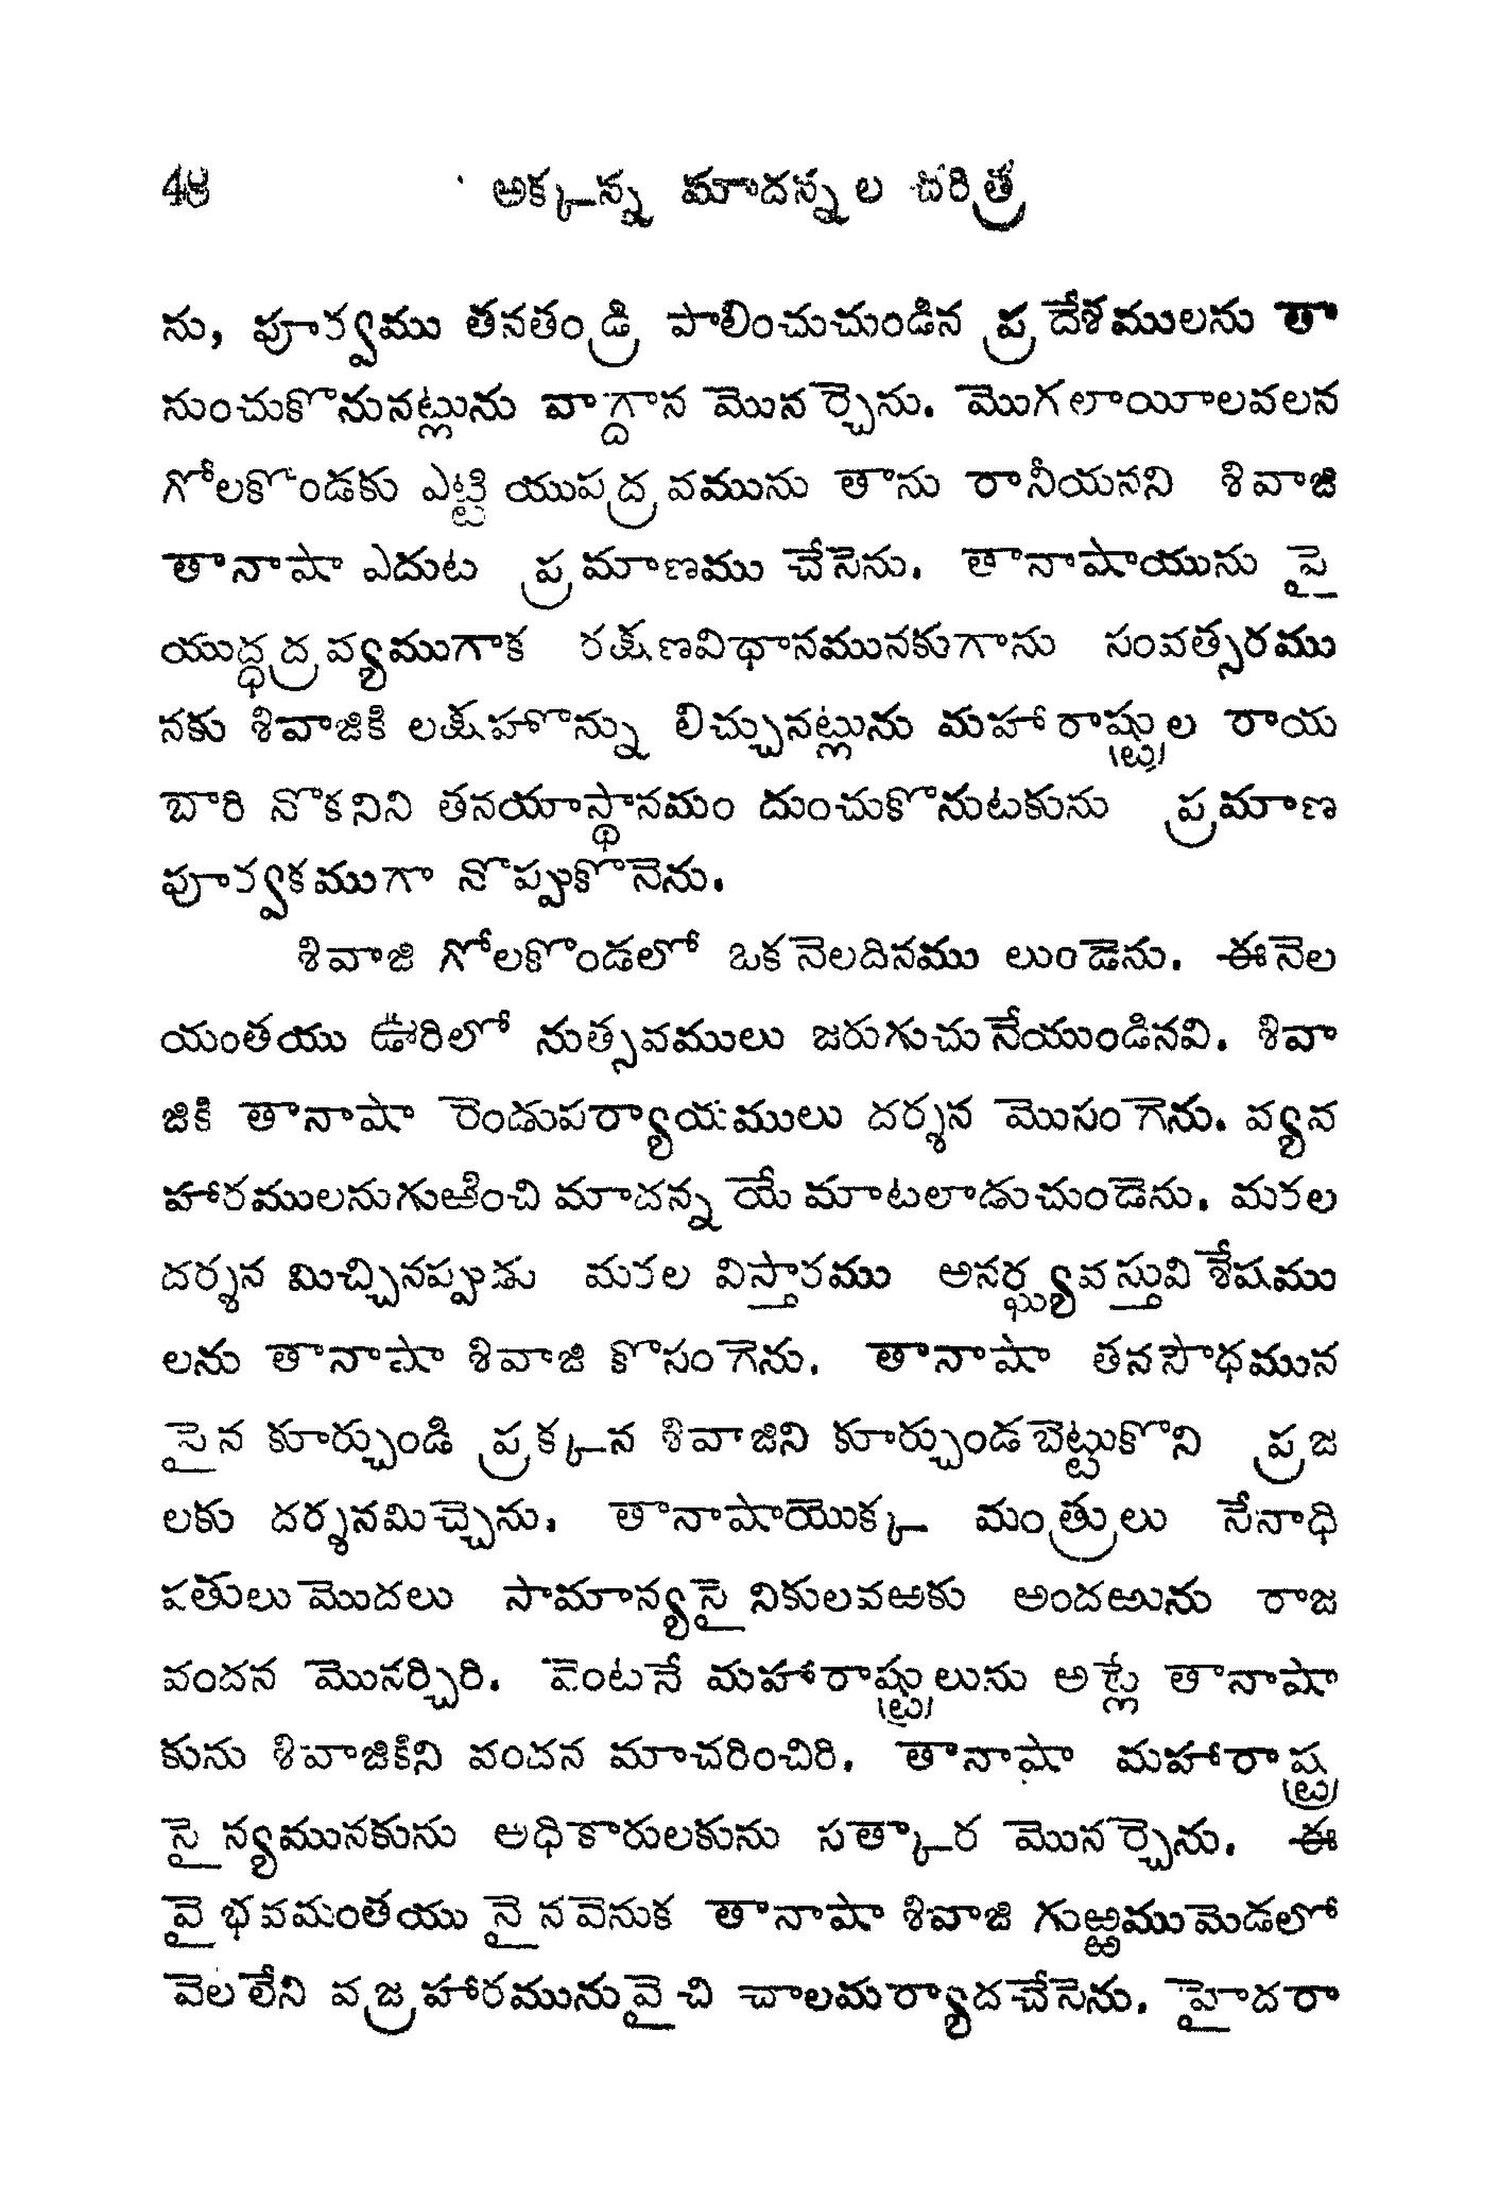ను, పూర్వము తనతండ్రి పాలించుచుండిన ప్రదేశములను తానుంచుకొనునట్లును వాగ్దాన మొనర్చెను. మొగలాయీలవలన గోలకొండకు ఎట్టి యుపద్రవమును తాను రానీయనని శివాజి తానాషా ఎదుట ప్రమాణము చేసెను. తానాషాయును పై యుద్ధద్రవ్యముగాక రక్షణవిధానమునకుగాను సంవత్సరమునకు శివాజికి లక్షహొన్ను లిచ్చునట్లును మహారాష్ట్రుల రాయబారి నొకనిని తనయాస్థానమం దుంచుకొనుటకును ప్రమాణ పూర్వకముగా నొప్పుకొనెను.

శివాజి గోలకొండలో ఒకనెలదినము లుండెను. ఈనెల యంతయు ఊరిలో నుత్సవములు జరుగుచునేయుండినవి. శివాజికి తానాషా రెండుపర్యాయములు దర్శన మొసంగెను. వ్యవహారములనుగుఱించి మాదన్నయే మాటలాడుచుండెను. మరల దర్శన మిచ్చినప్పుడు మరల విస్తారము అనర్ఘ్యవస్తువిశేషములను తానాషా శివాజి కొసంగెను. తానాషా తనసౌధమున పైన కూర్చుండి ప్రక్కన శివాజిని కూర్చుండబెట్టుకొని ప్రజలకు దర్శనమిచ్చెను. తానాషాయొక్క మంత్రులు సేనాధిపతులుమొదలు సామాన్యసైనికులవఱకు అందఱును రాజవందన మొనర్చిరి. వెంటనే మహారాష్ట్రులును అట్లే తానాషాకును శివాజికిని వందన మాచరించిరి. తానాషా మహారాష్ట్ర సైన్యమునకును అధికారులకును సత్కార మొనర్చెను. ఈ వైభవమంతయు నైనవెనుక తానాషా శివాజి గుఱ్ఱముమెడలో వెలలేని వజ్రహారమునువైచి చాలమర్యాదచేసెను. హైదరా